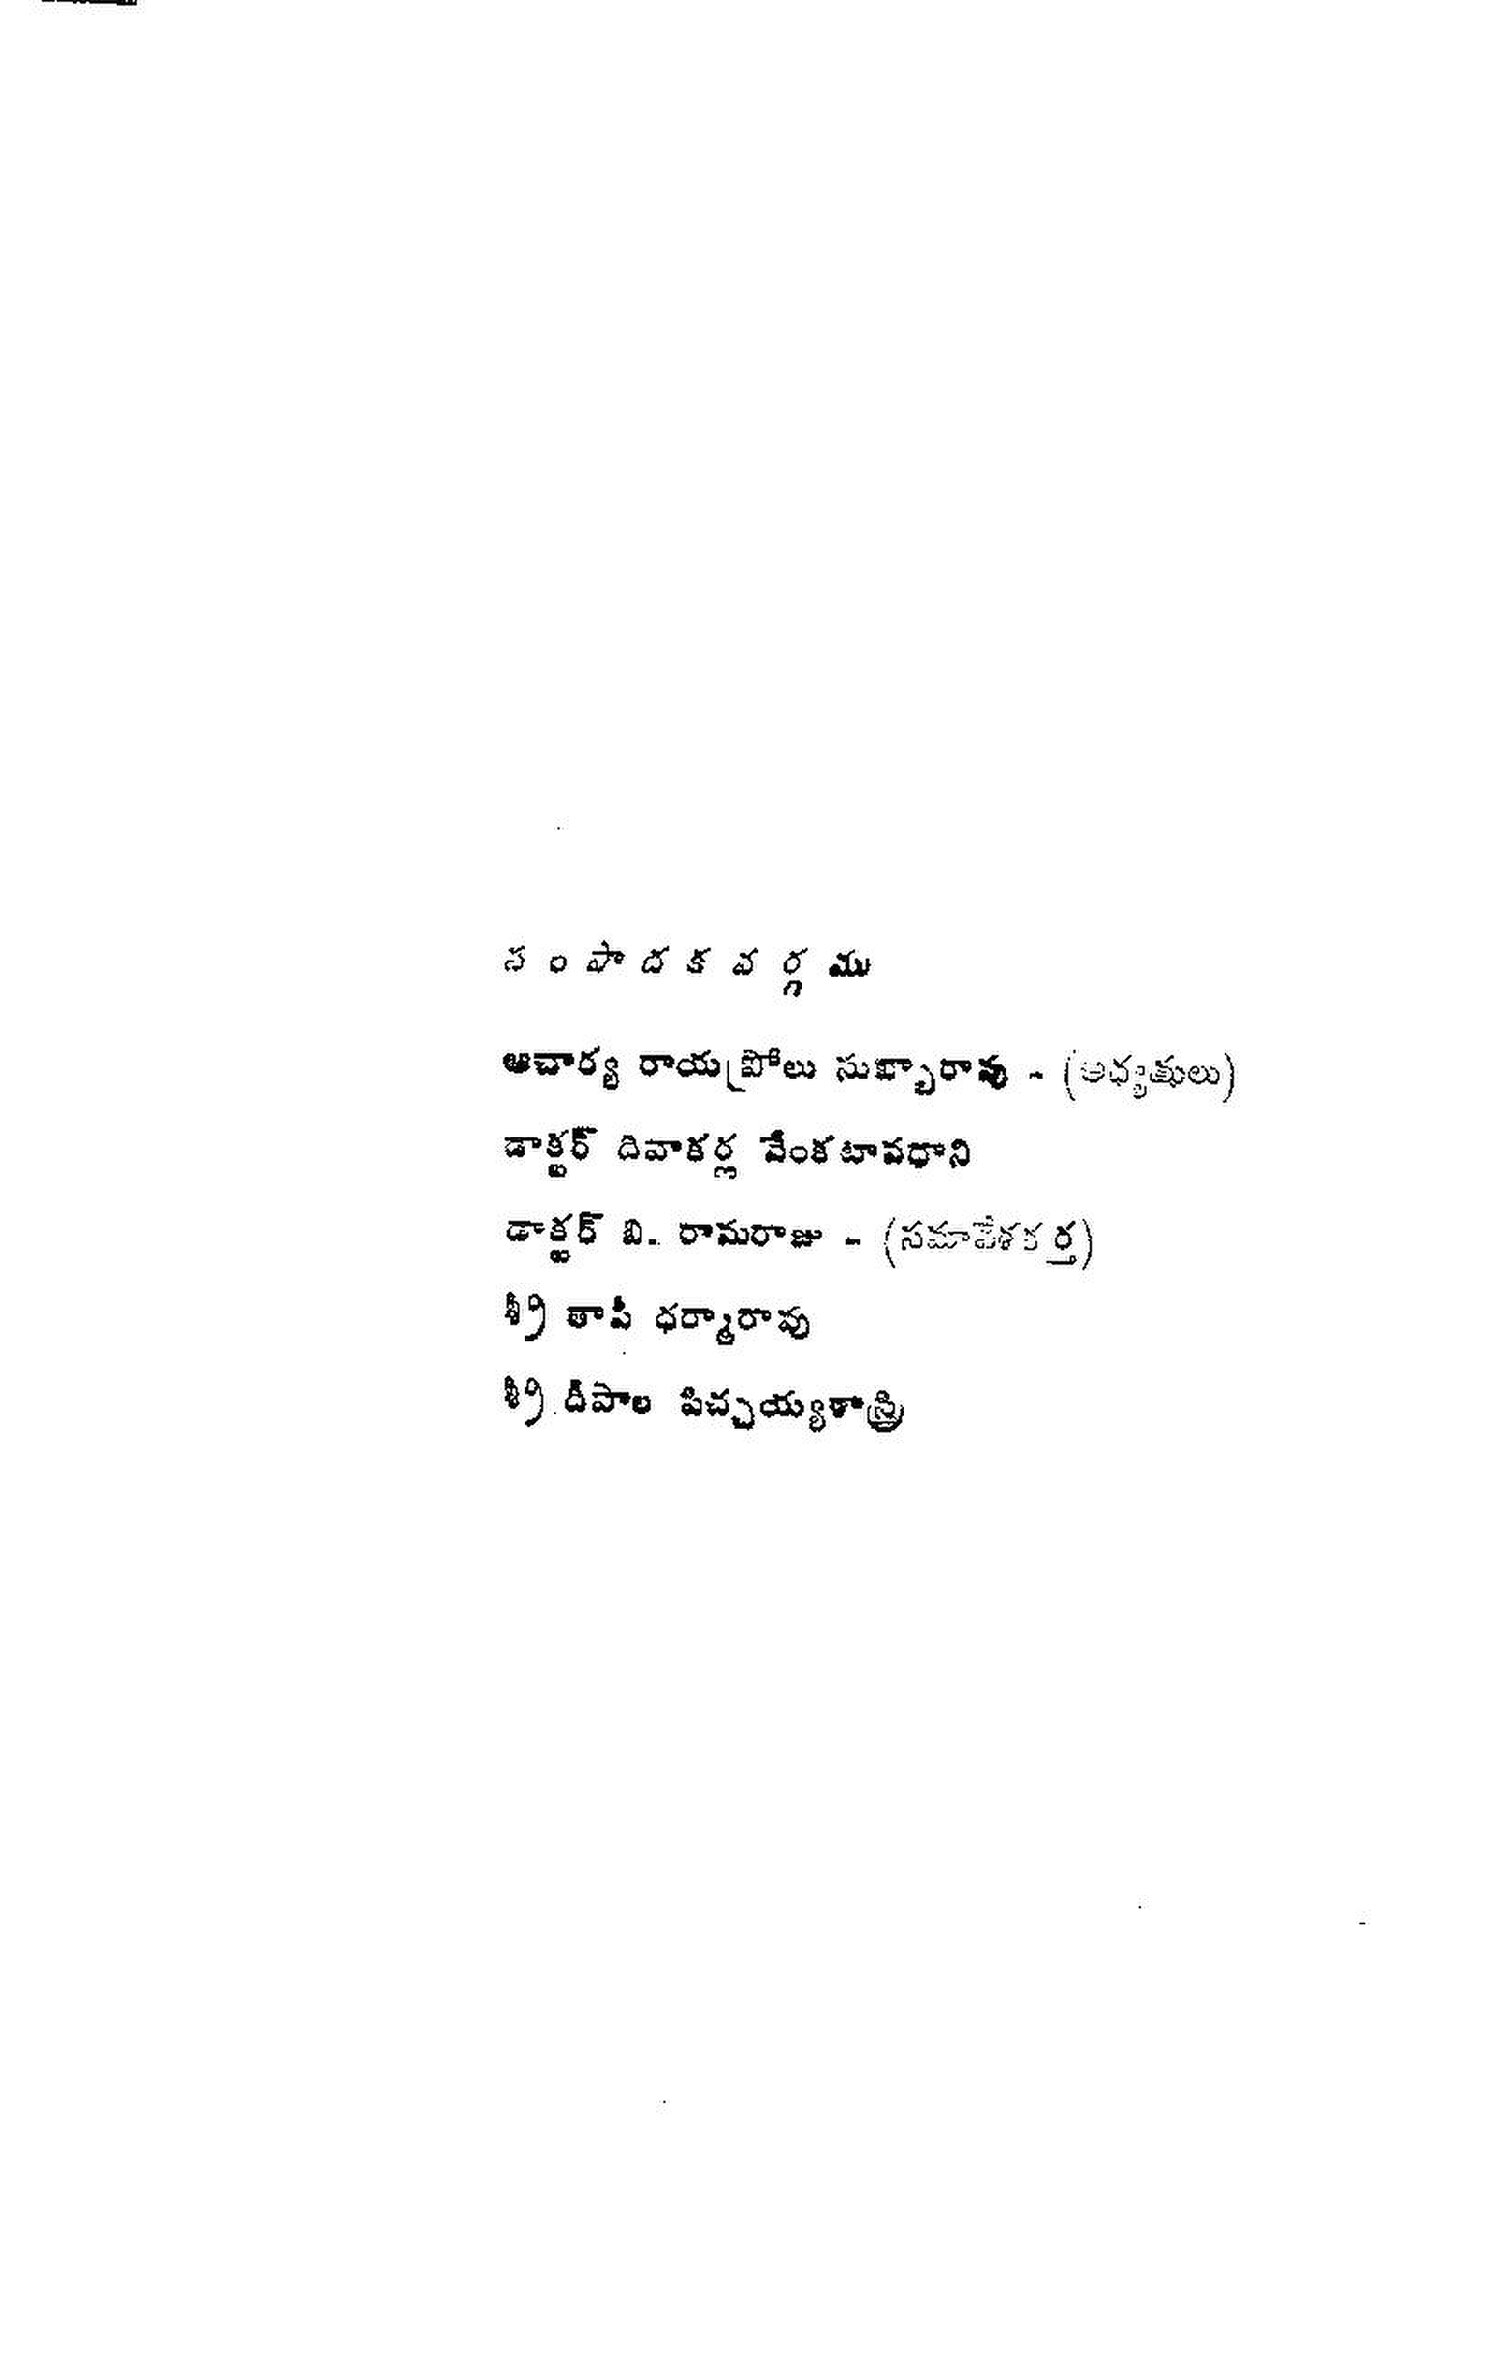సంపాదకవర్గము :

ఆచార్య రాయప్రోలు సుబ్బారావు - (అధ్యక్షులు)

డాక్టర్ దివాకర్ల వేంకటావధాని

డాక్టర్ బి. రామరాజు - (సమావేశకర్త)

శ్రీ తాపీ ధర్మారావు

శ్రీ దీపాల పిచ్చయ్యశాస్త్రి